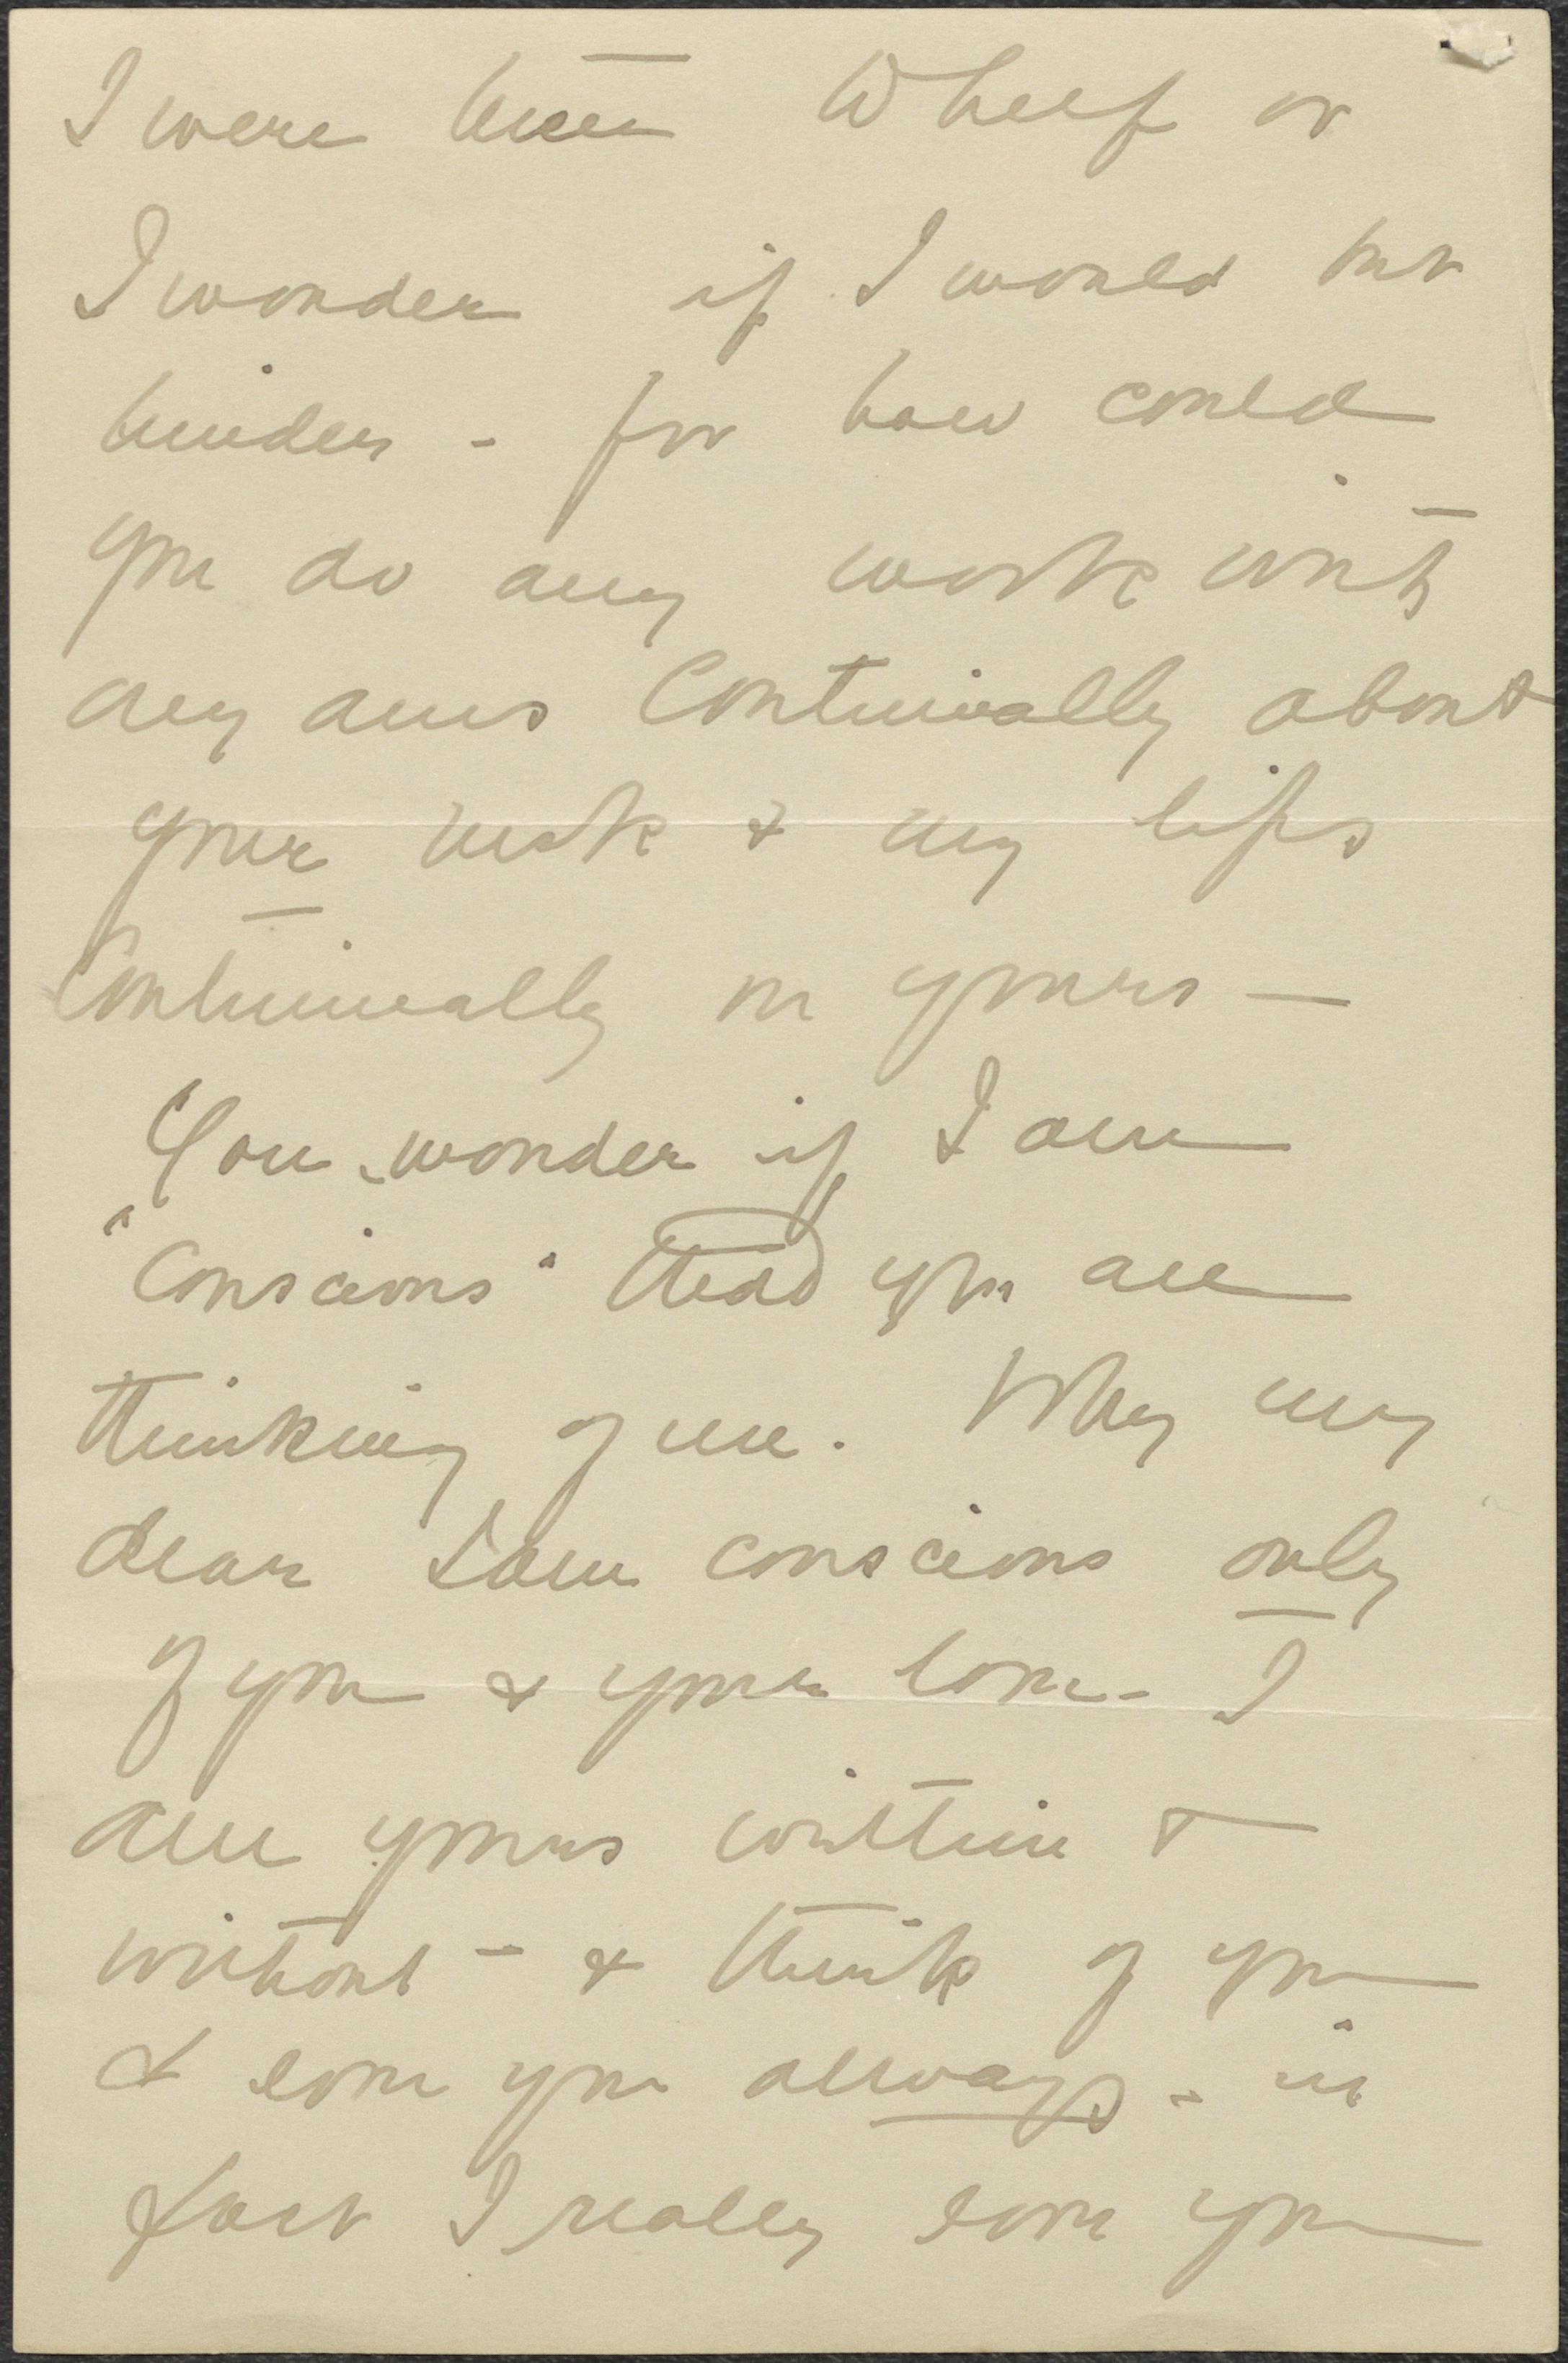I were there to help or I wonder if I would but hinder – for how could you do any work with my arms continually about your neck & my lips continually on yours – You wonder if I am “conscious” that you are thinking of me. Why my dear I am conscious only of you & your love – I am yours within & without – & think of you & love you always – in fact I really love you